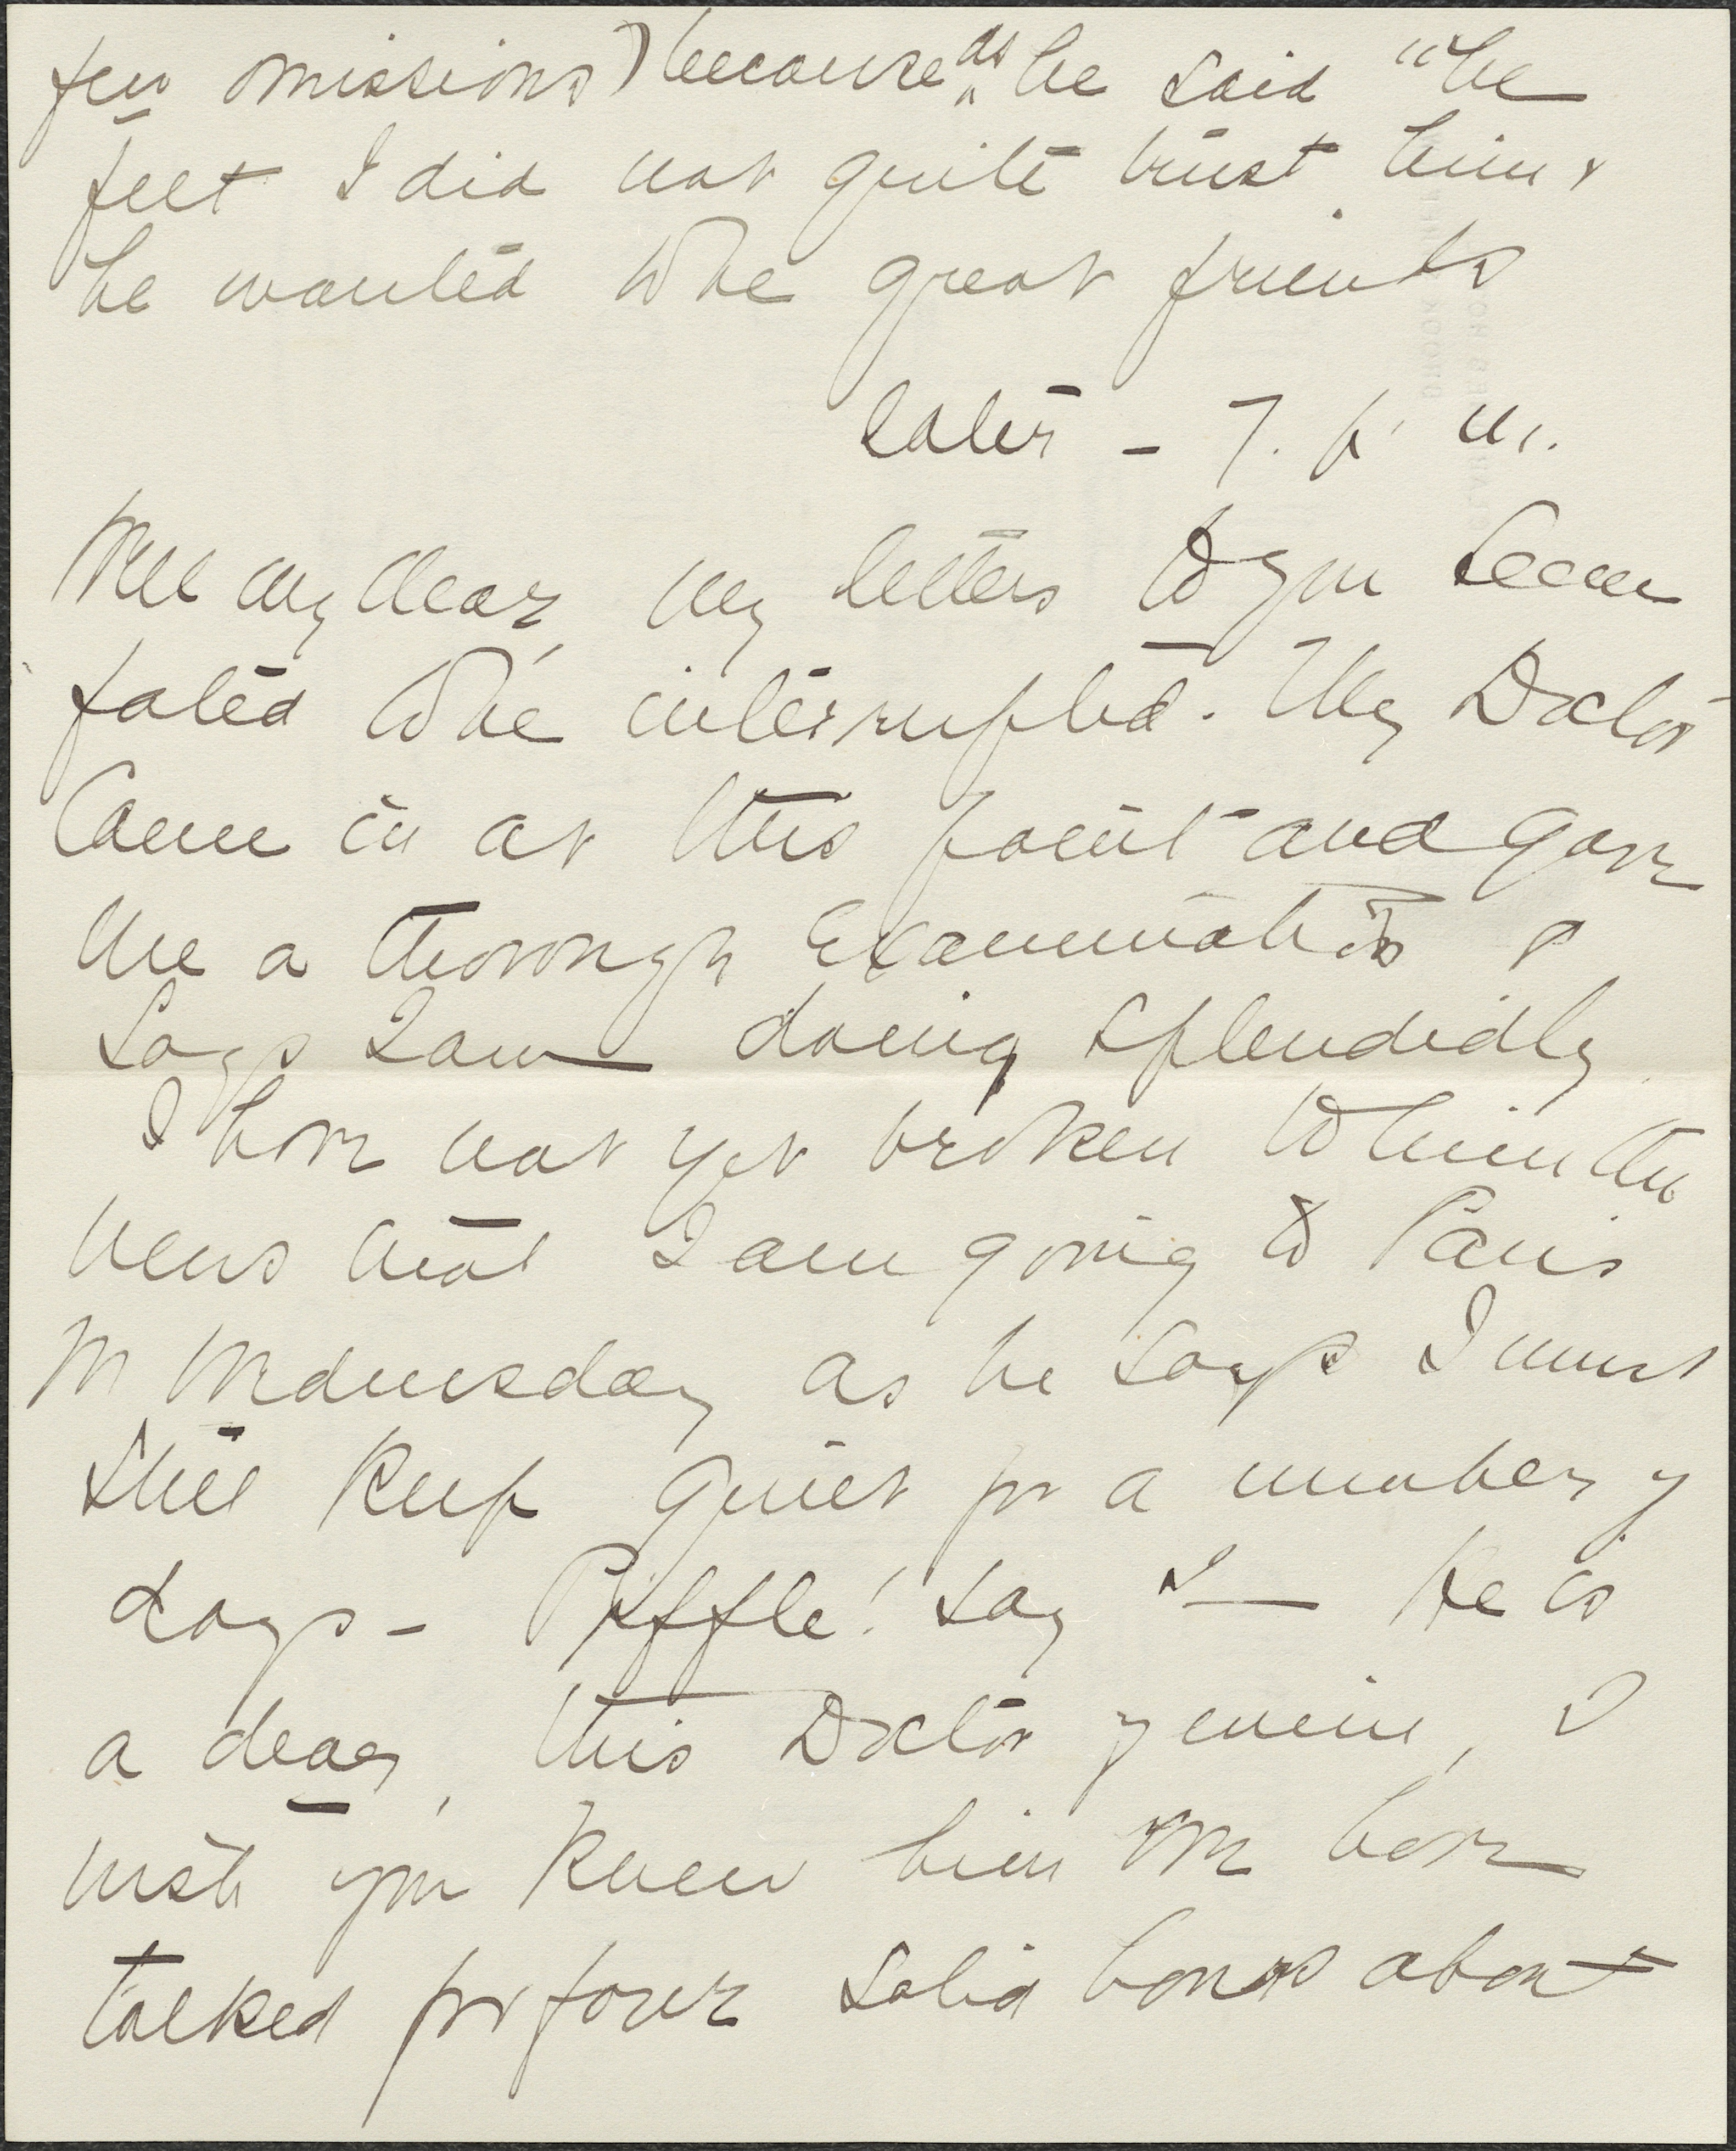few omissions) because [ˆasˆ] he said “he felt I did not quite trust him & he wanted to be great friends
later – 7. p.m.
Well my dear, my letters to you seem fated to be interrupted. My Doctor came in at this point and gave me a thorough examination & says I am doing splendidly
I have not yet broken to him the news that I am going to Paris on Wednesday as he says I must still keep quiet for a number of days – Piffle! Say I – he is a dear, this Doctor of mine, I wish you knew him we have talked for four solid hours about